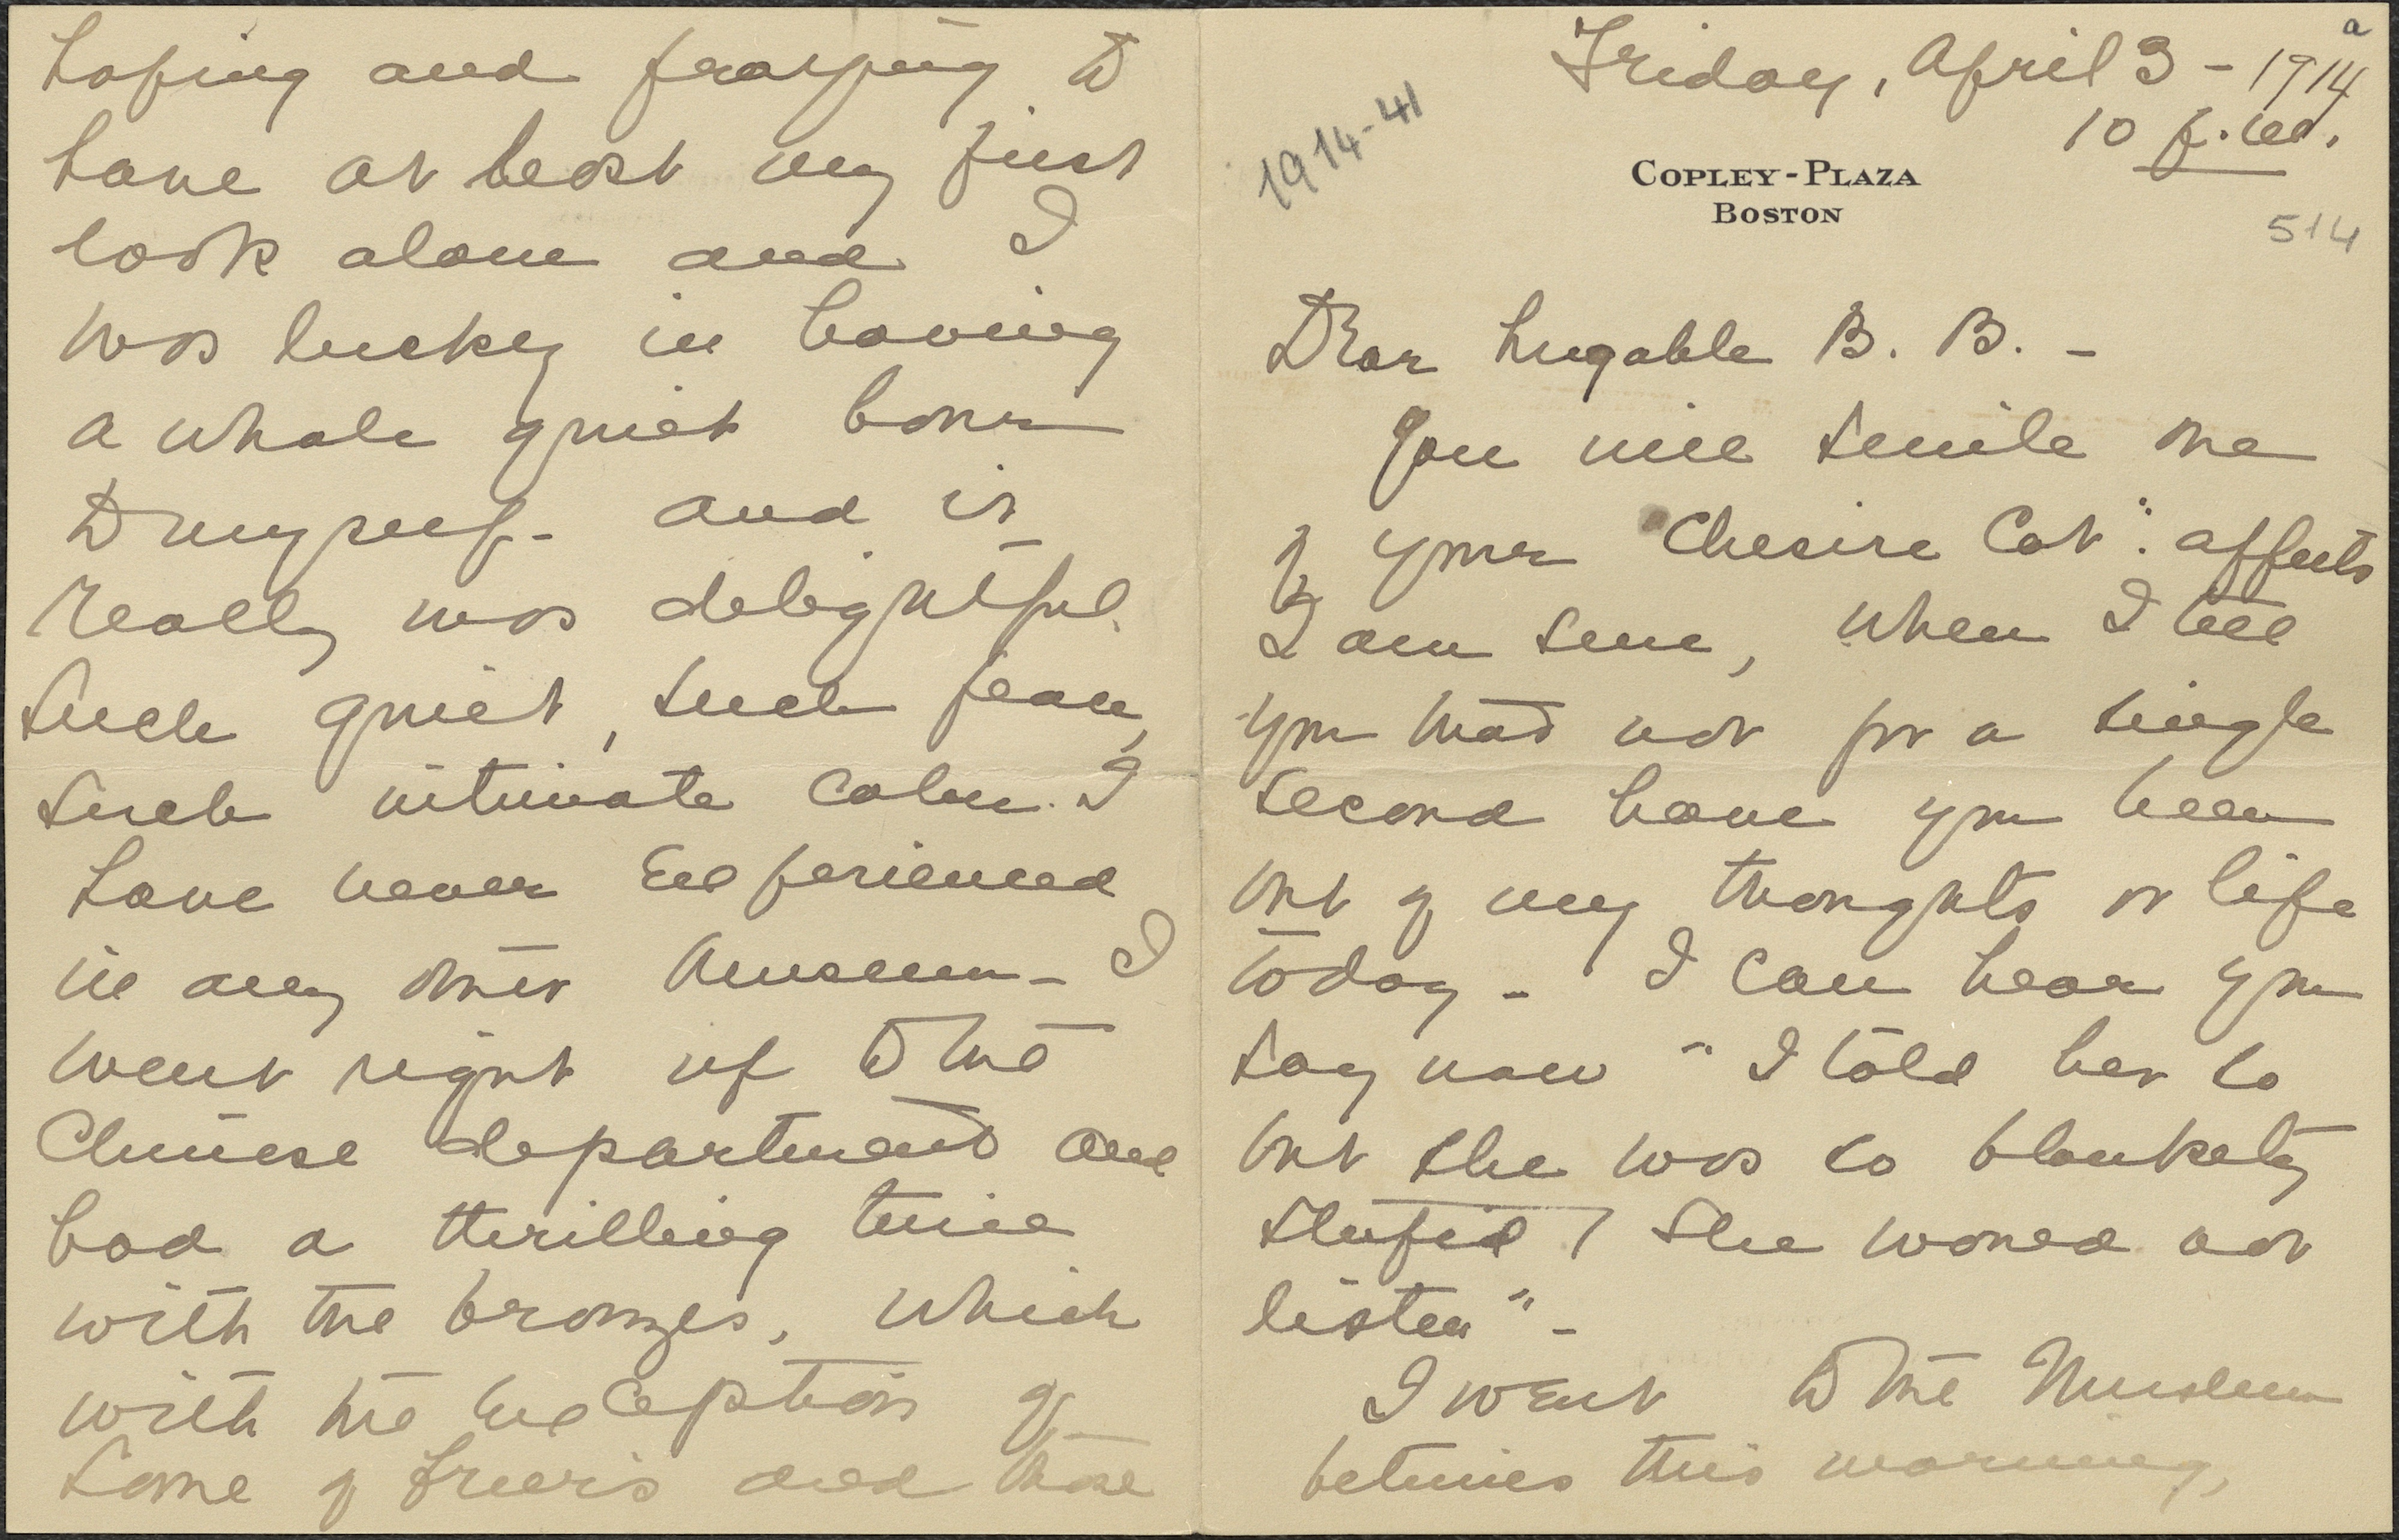Friday, April 3
10 p.m.
Dear hugable [sic] B.B. –
You will smile one of your “Chesire Cat” affects I am sure, when I tell you that not for a single second have you been out of my thoughts or life today – I can hear you say now “I told her so but she was so blankety stupid she would not listen” –
I went to the Museum betimes this morning,
hoping and praying to have at least my first look alone and I was lucky in having a whole quiet hour to myself – and it really was delightful. Such quiet, such peace, such intimate calm I have never experienced in any other museum – I went right up to the Chinese department and had a thrilling time with the bronzes, which with the exception of some of Freer’s and those